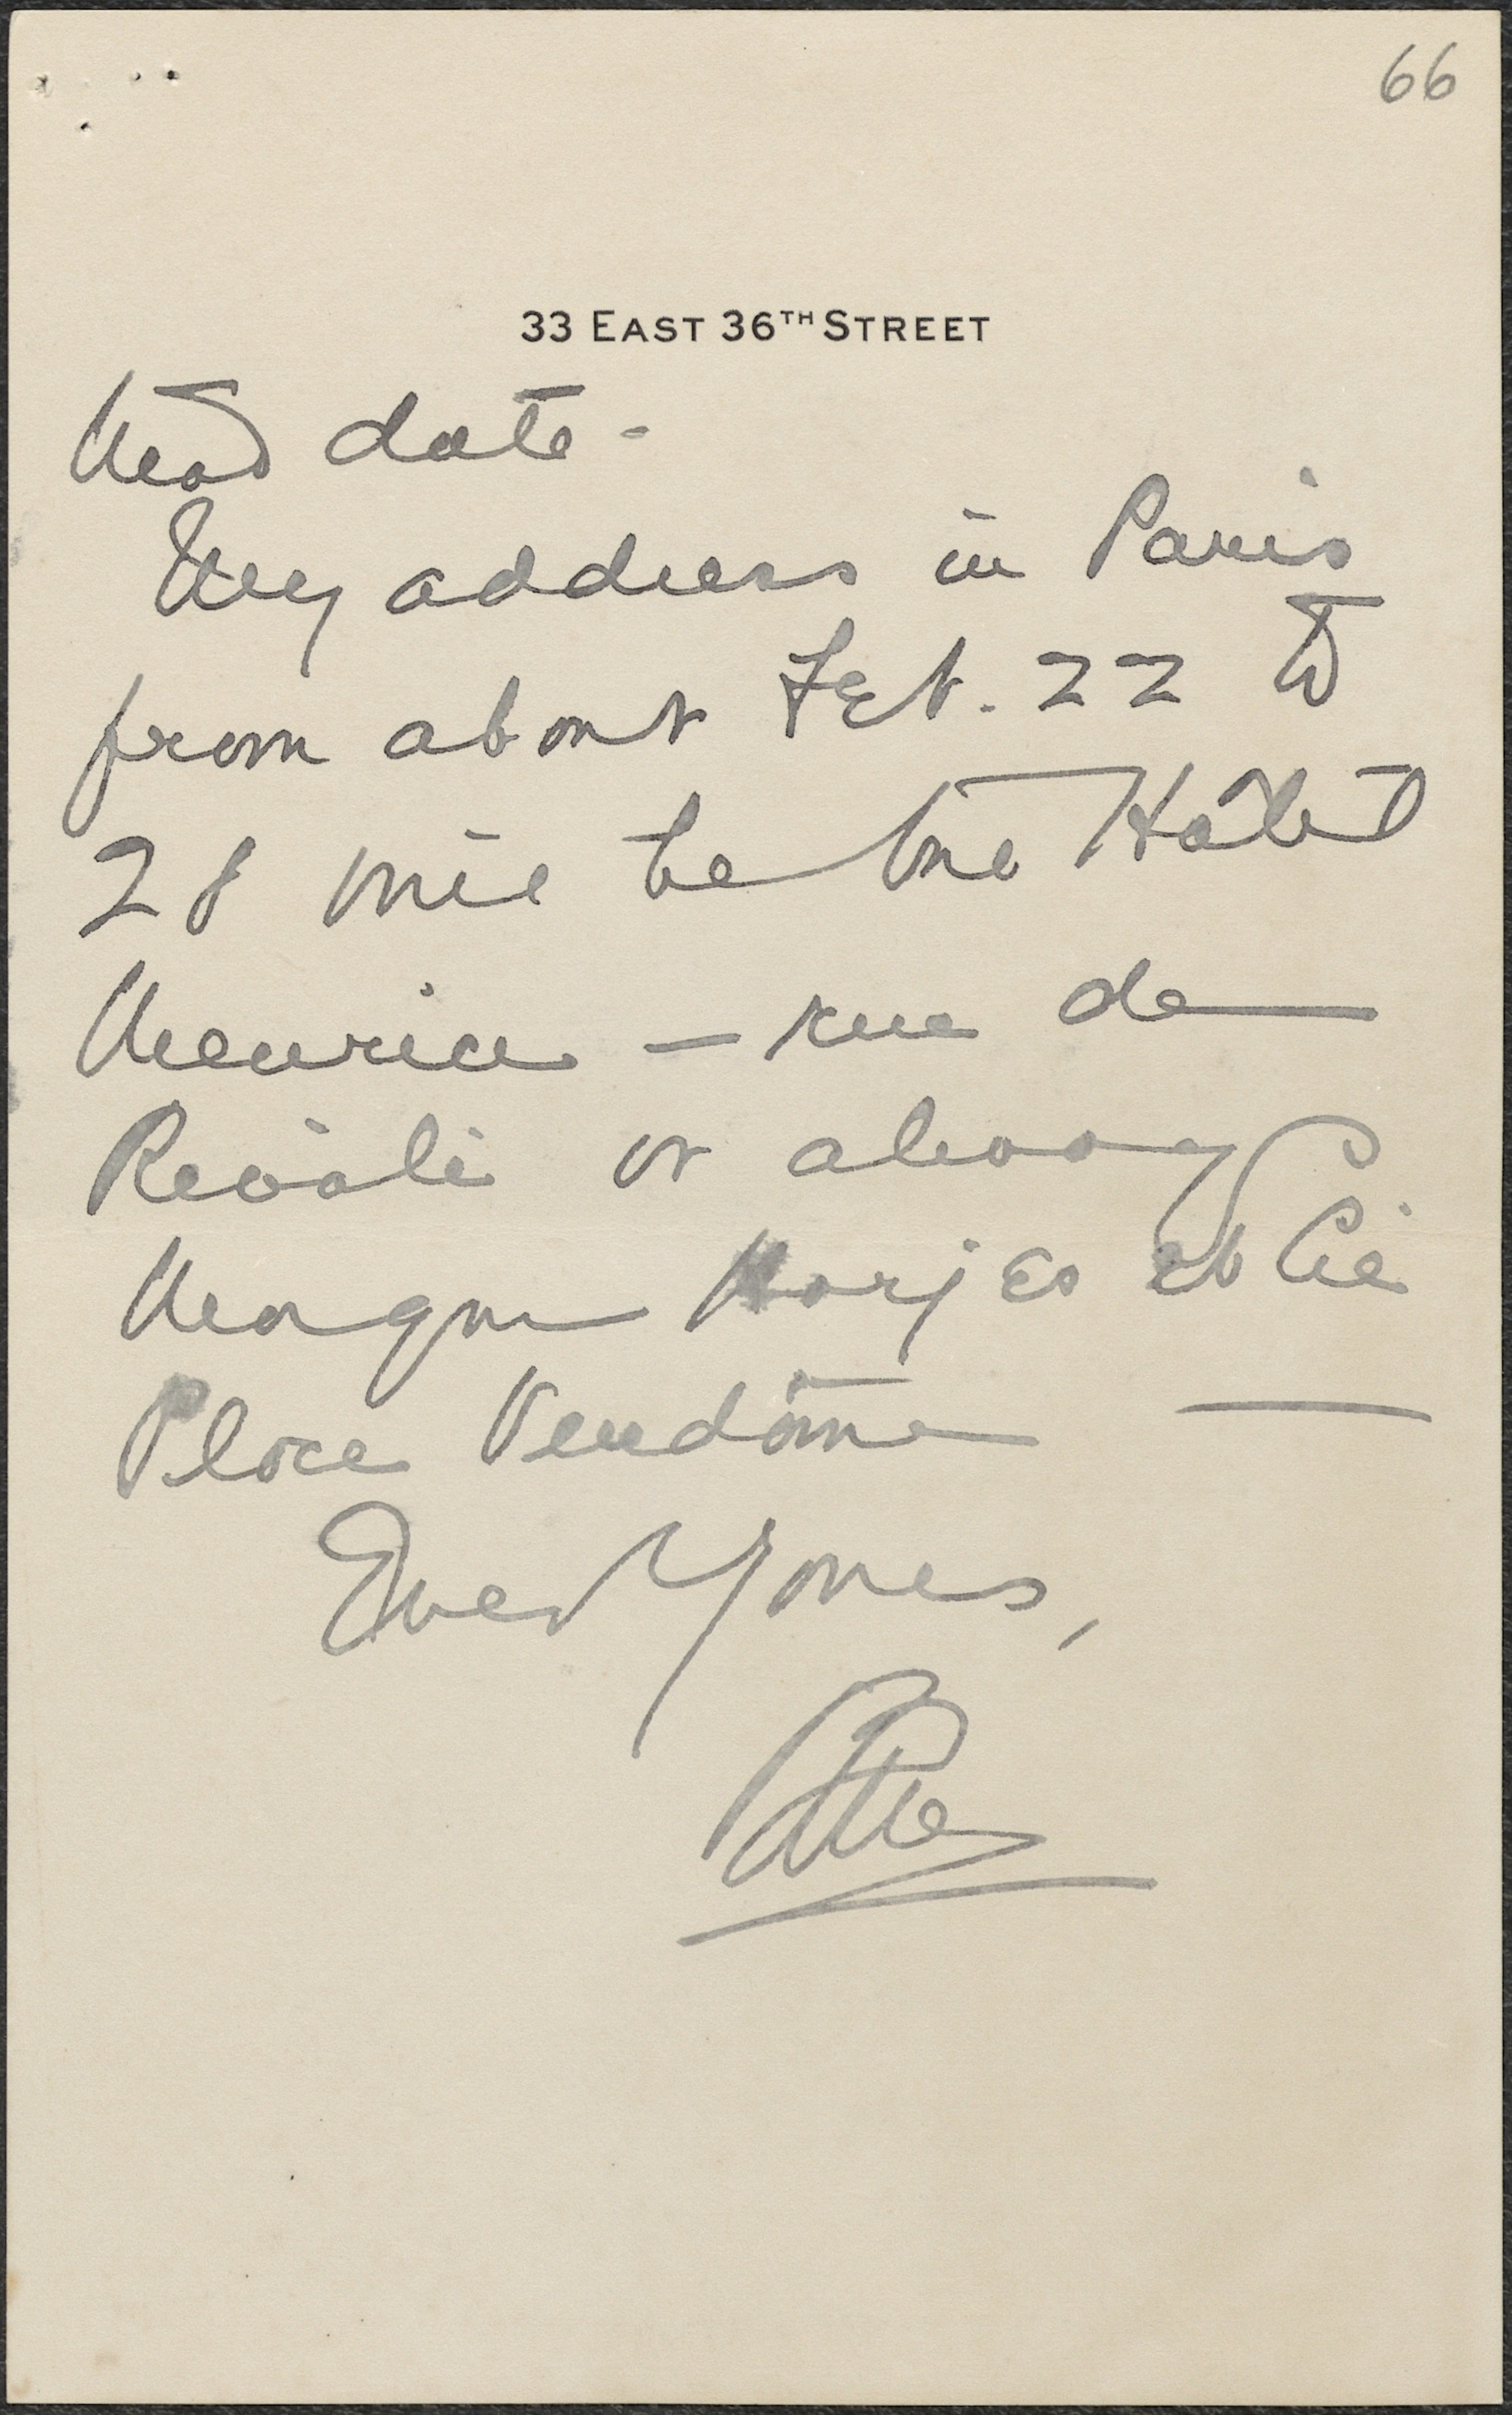that date.
My address in Paris from about Feb. 22 to 28 will be the Hôtel Meurice – rue de Rivoli or always Morgan Harjes et 26 Cie Place Vendôme –
Ever Yours,
Belle